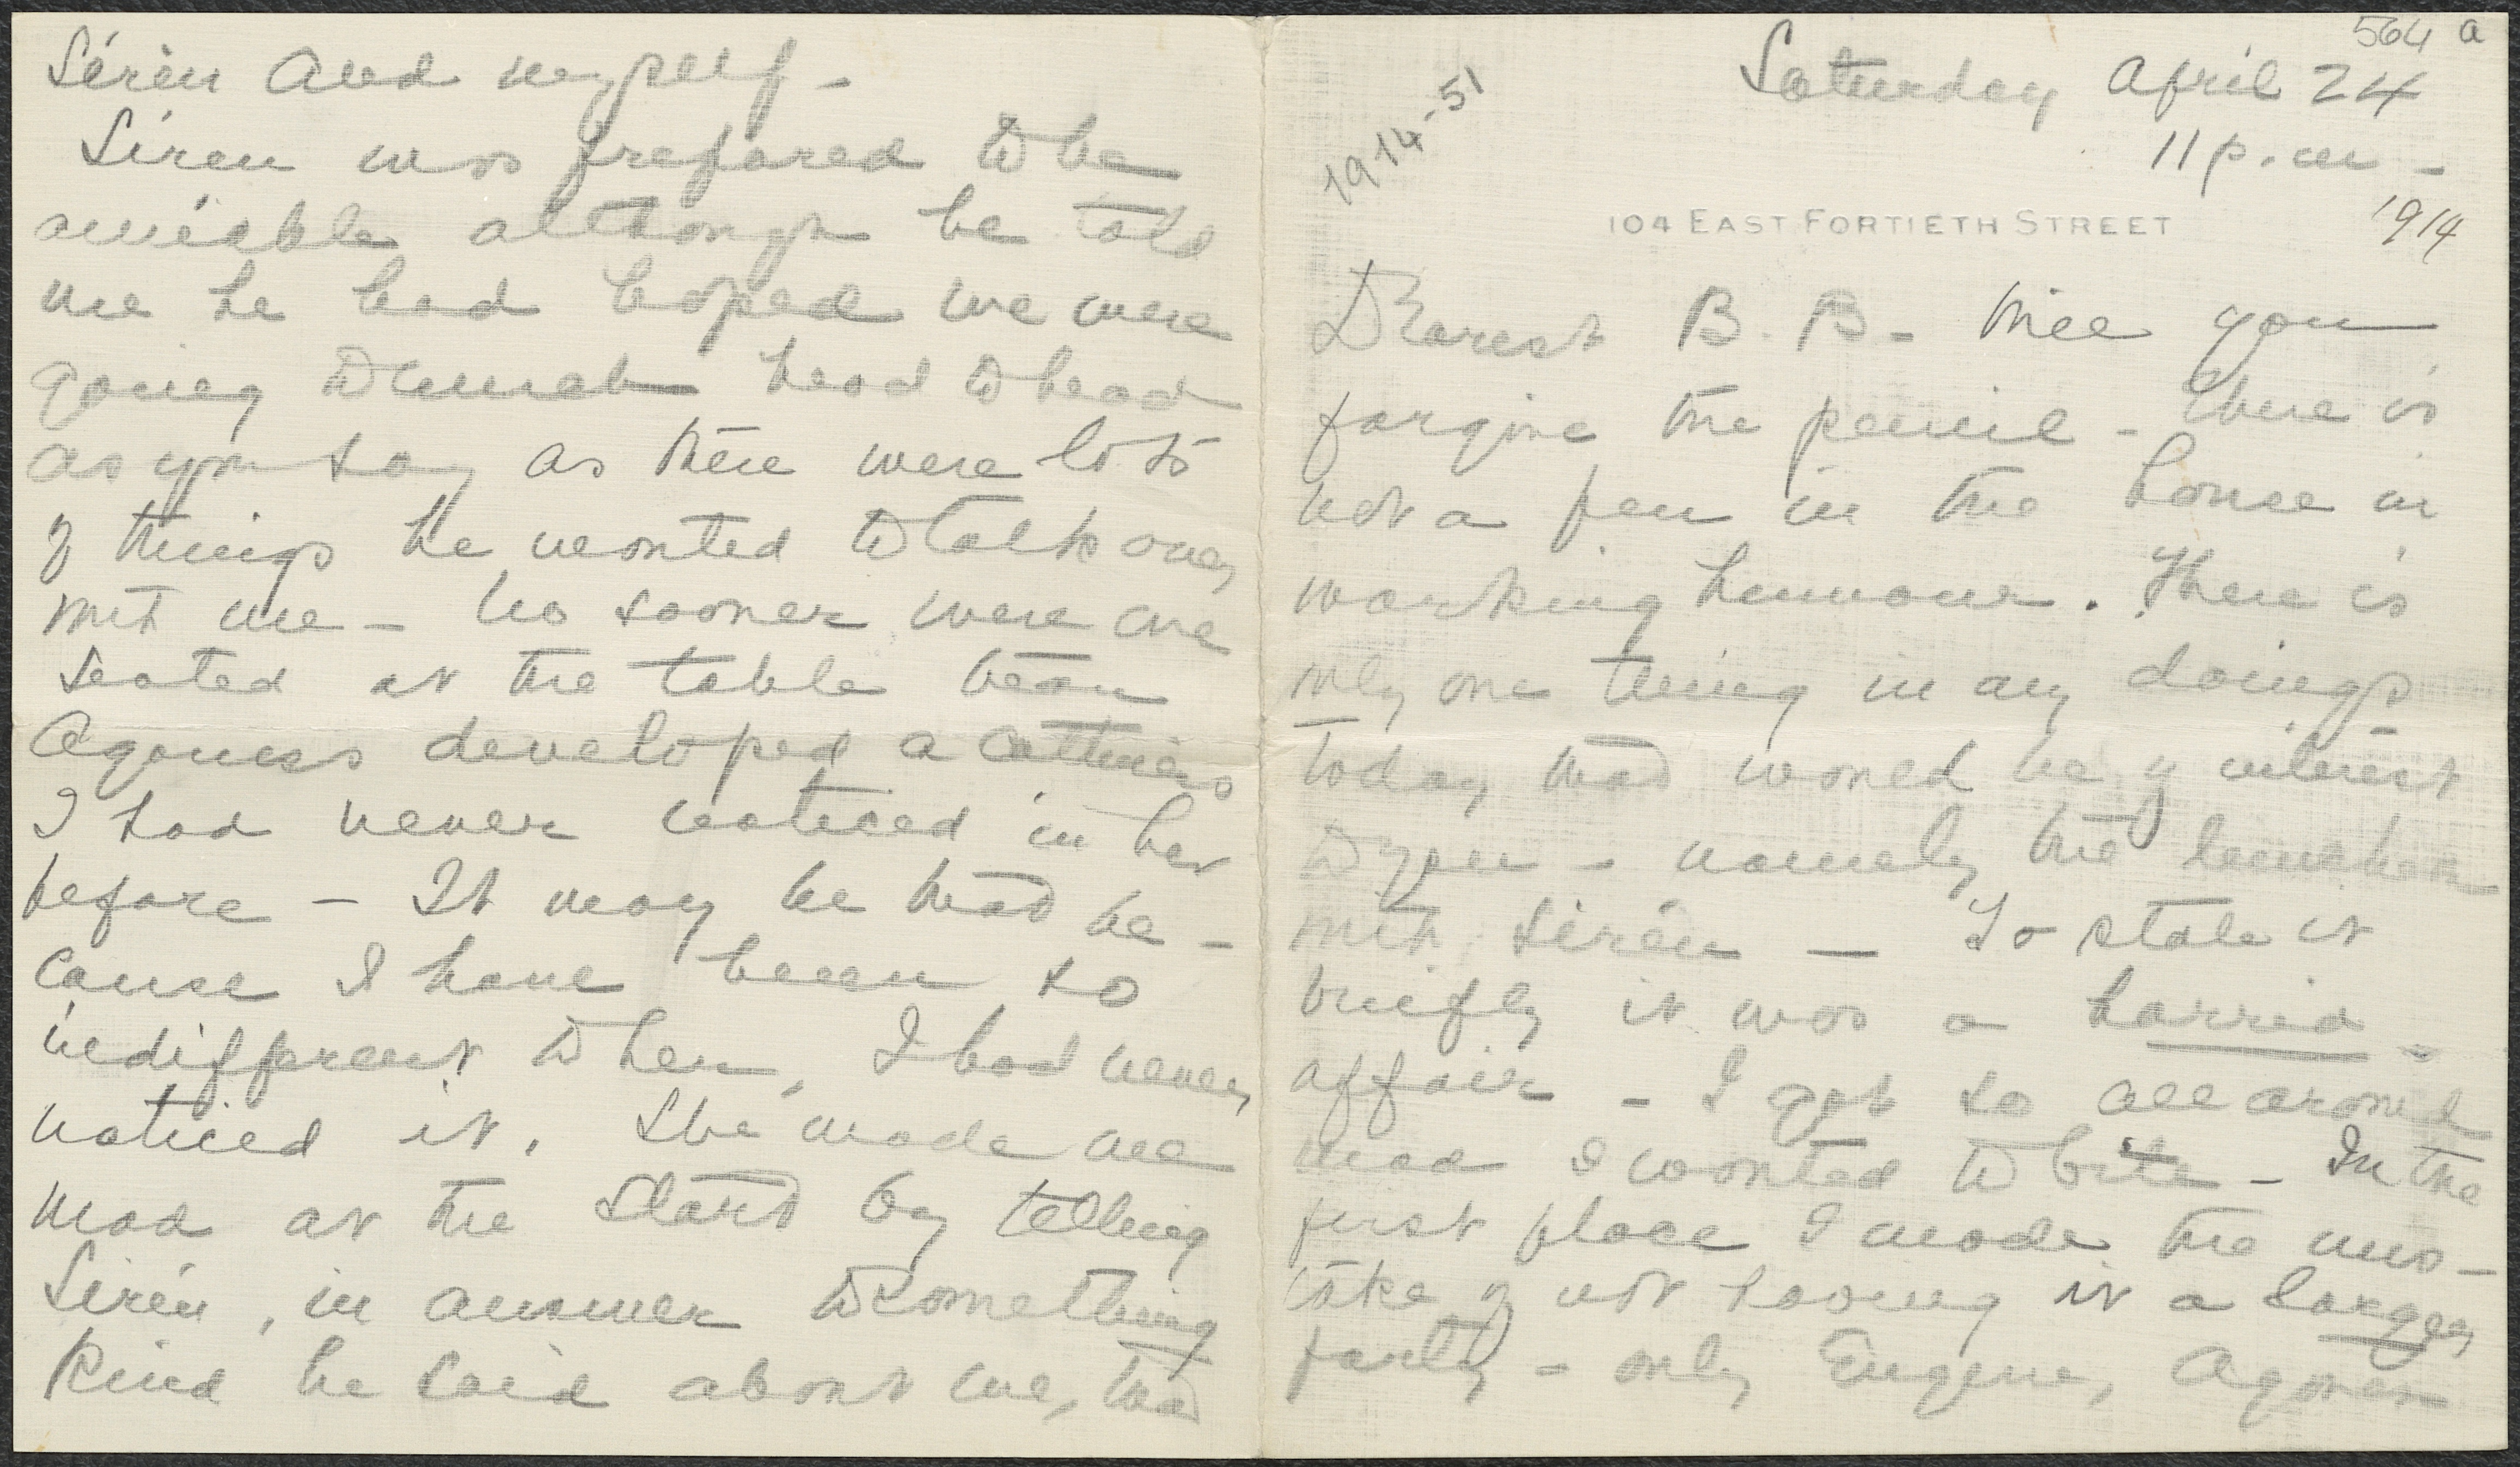Saturday April 24
11 p.m –
Dearest B.B – Will you forgive the pencil – there is not a pen in the house in working humour. There is only one thing in my doings today that would be of interest to you – namely the luncheon with Sirén – To state it briefly it was a horrid affair – I got so all around mad I wanted to bite – In the first place I made the mistake of not having it a larger party – only Eugene, Agoness
Sirén and myself –
Siren was prepared to be amiable although he told me he had hoped we were going to lunch head to head as you say as there were lots of things he wanted to talk over with me – No sooner were we seated at the table than Agoness developed a cattiness I had never noticed in her before – It may be that because I have been so indifferent to her, I had never noticed it. She made me mad at the start by telling Sirén, in answer to something kind he said about me, that